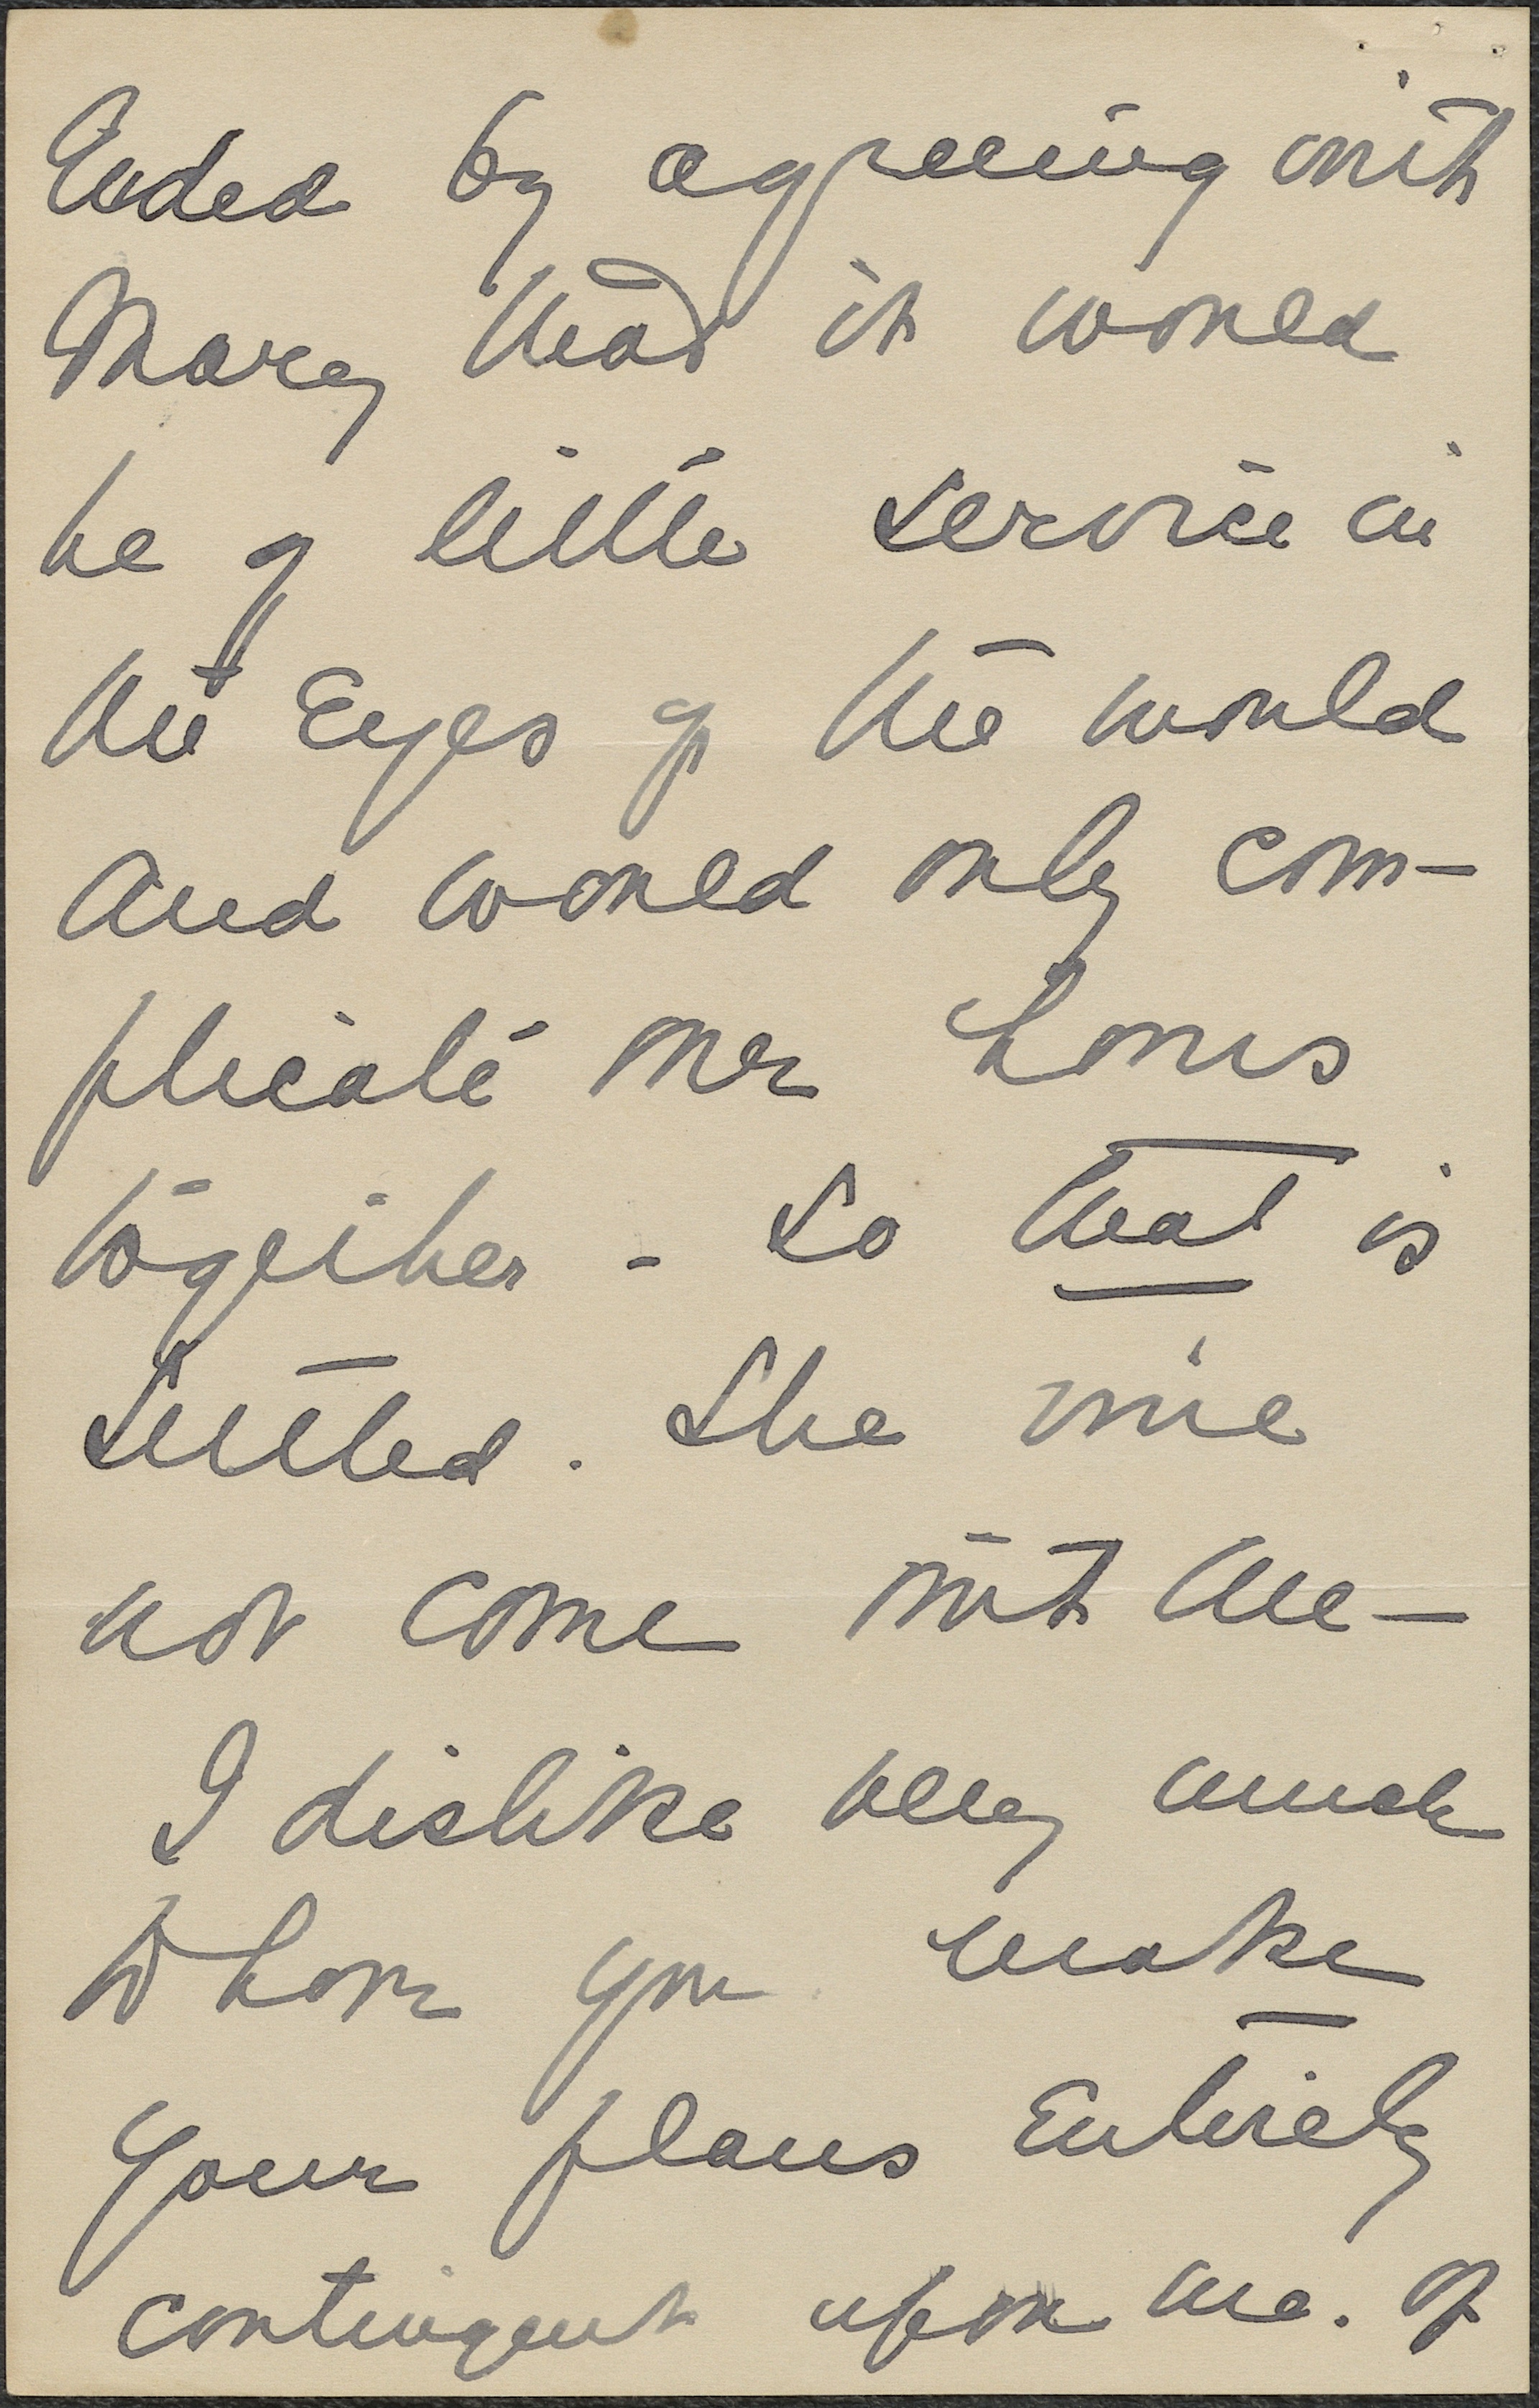Ended by agreeing with Mary that it would be of little service in the eyes of the world and would only complicate our hours together – so that is settled. She will not come with me –
I dislike very much to have you make your plans entirely contingent upon me. of